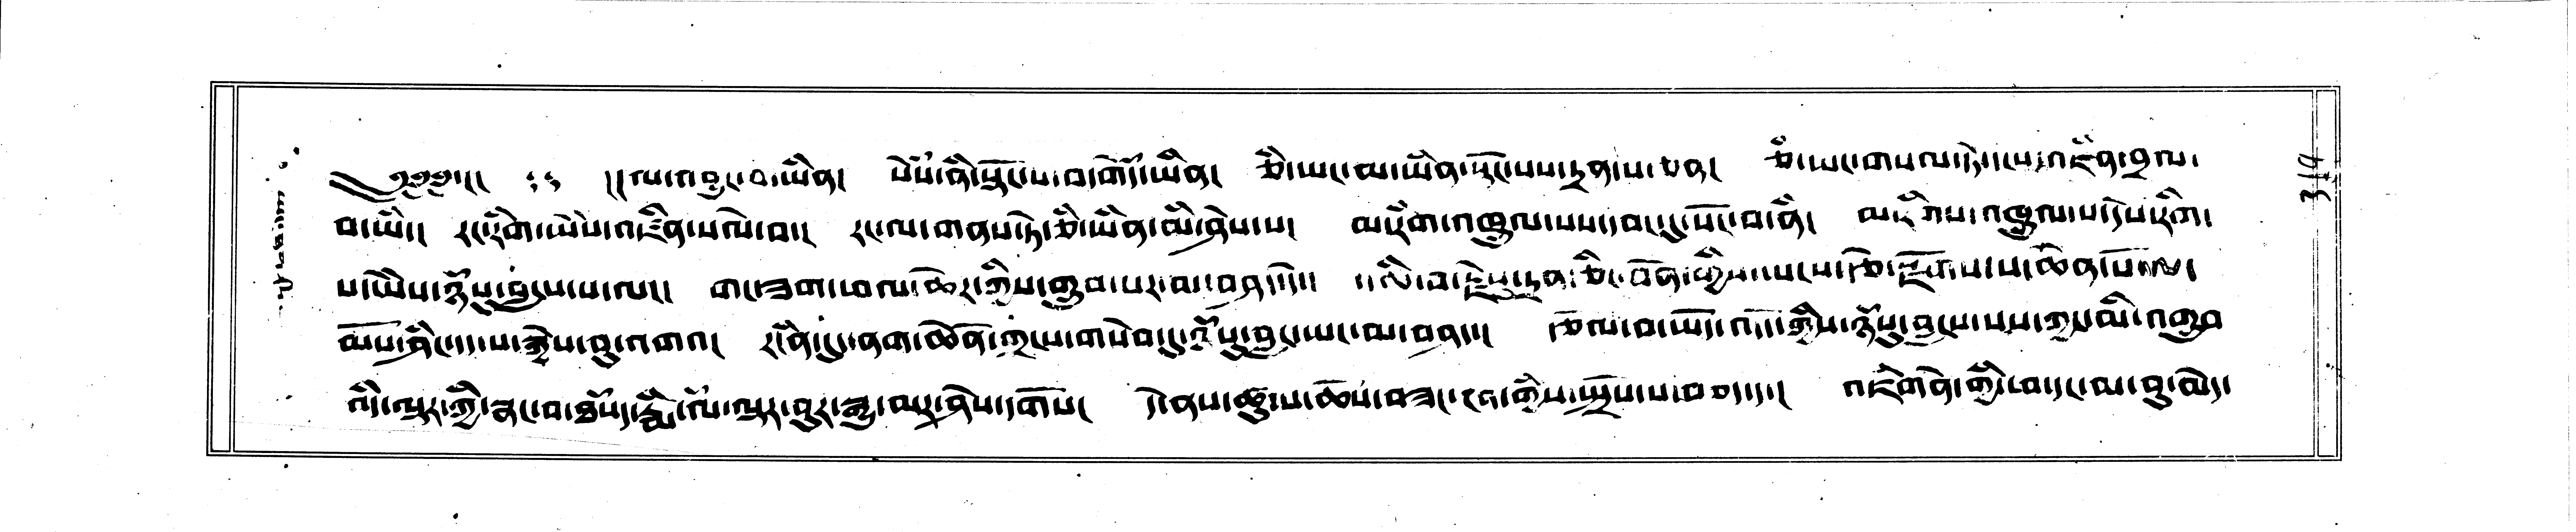ལ་བྱུང་བ་ཡིན་ནོ། སེམས་ནི་སྟོང་པ་བདག་མེད་ཡིན། ཅི་ཡང་མ་ཡིན་སྟོང་པའི་དྲན་པ་ཅན། ཅིར་ཡང་གསལ་ཏེ་ངོས་‘‘དངོས”འཛིན་བྲལ་
བའི། རང་རིག་ཡེ་ཤེས་འཛིན་མེད་སལེ་བ། རང་ལ་གནས་ཏེ་ཅི་ཡིན་མ་ཤེས་པས། མ་རིག་འཁྲུལ་པའི་དབང་དུ་སོང་བ་ནི། མ་རིག་འཁྲུལ་པ་དེ་རིག་
པའི་ཡེ་ཤེས་སུ་ཉམས་སུ་བླང་བ་ལ། གང་ཟག་ཕལ་ཆེས་ཀྱིས་འགྲུབ་པར་མ་བཤད་དེ། འཆི་བ་རྗེས་སུ་དྲན་ཅིང་བོན་གྱིས་ཡང་རྩེ་རྫོགས་པ་ཆེན་པོ་ལ་
མོས་ཤིང་དད་པའི་སྐྱེས་བུ་གྷས་(འགས)། རང་བཞིན་དུད་ནག་གྲོང་གསེབ་དུ་ཉམས་སུ་བླངས་པར་ཡང་མ་བཤད། རྩོལ་བ་ཡིད་འདོད་ཀྱིས་ཉམས་སུ་བླངས་པས་མི་འགྲུབ། 
འདི་ལྟར་གྱིས་སྣང་བ་ཐམས་ཅད་རྨི་ལམ་ལྟ་བུར་སྒྱུ་མར་ཤེས་དགོས། དེ་ནས་ཚུལ་ཆས་”ཆོས”བཟང་ངན་གྱིས་སྤྲོ་བ་བསྐྱེད་སྟེ། འཇིག་རྟེན་གྱིས་ཕ་དང་མ། བུད་སྨད་